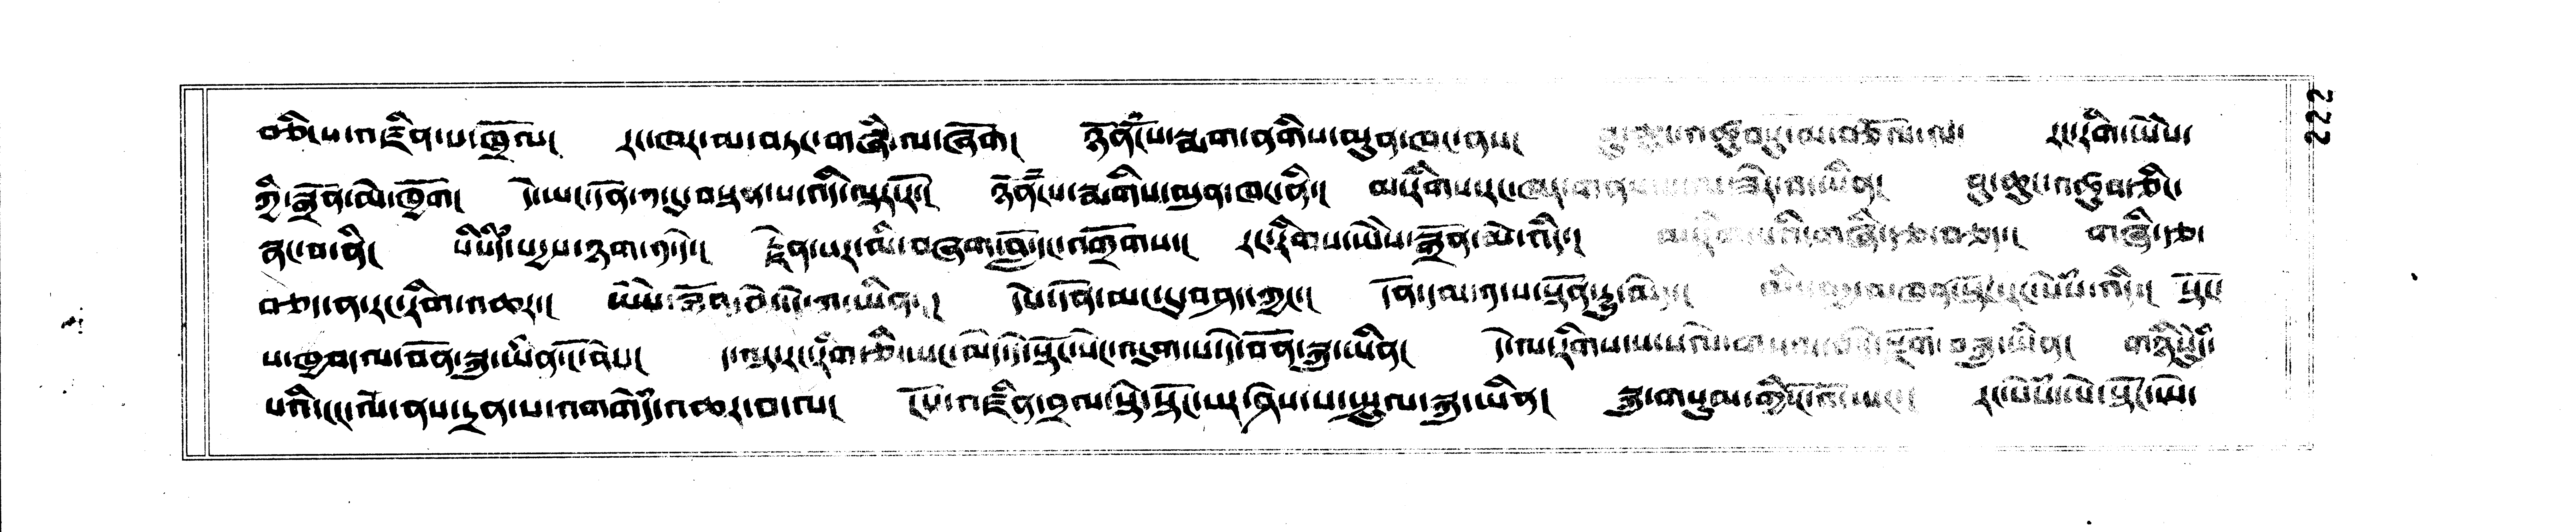མ་བཅིང་འཛིན་པ་ཁྲོལ། རང་ཁར་མ་བཏང་གཞིག་ལ་ཞོག ཉོན་མོངས་སྨྲག་ནག་གིས་༼གི༽མུན་ཁང་ན། བུ་ཆུང་འཚུབས་སུ་མ་བཅོལ་ལ། རང་རིག་ཡེ་ཤེས་
ཀྱི་སྒྲོན་མེ་ཁྱོག་གོ དེ་ཡང་དོན་དམ་གཅིག་དུ་བསྟན་པ་འདི་ལྟར་རོ། ཉོན་མོངས་སྨག་ནག་མུན་ཁང་ནི། མ་རིག་རང་ཁར་གནས་པ་ལ་ཟེར་བ་ཡིན། བུ་ཆུང་འཚུབ་ཤིན་
སྣང་བ་ནི། སེམས་ཉིད་སངས་རྒྱས་ཉག་ཅིག་དེ། རྗེན་པར་མི་བཞག་བློ་དང་འགྲོགས། རང་རིག་ཡེ་ཤེས་སྒྲོན་མེ་ནི།་མ་རིག་པའི་གཞི་རྩ་བཅད། གཞི་རྩ་
བཅད་ནས་རང་རིག་འཆར། ཡེ་ཤེས་སྒྲོན་མ་དེ་ཀ་ཡིན། དཔེ་དོན་སོ་སོར་མང་བཤད་ཀྱང་། དོན་དམ་གཅིག་བེས་བསྟན་རྒྱུ་མེད། མིང་བརྒྱ་མཁན་སྟོང་རང་སེམས་འདི། སྟོང་
པ་ཁྱབ་བདལ་བོན་སྐུ་ཡིན་ངོ་ཤེས། ད་ལྟ་རང་རིག་ཅི་ཡང་མེད་དེ་སྟོང་སང་ངེ་འདུག་པ་དེ་ཀ་བོན་སྐུ་ཡིན། དེ་ལ་རང་བཞིན་སལེ་གསལ་བ་རྫོགས་སྐུ་ཡིན། གཉིས་སུ་མེད་
པའི་ངང་ནས་དྲན་པ་འགགས་མེད་འཆར་བ་ལ་ངོས་འཛིན་བྲལ་ཏེ་སྟོང་པར་ཤེས་པ་སྤྲུལ་སྐུ་ཡིན། སྐུ་གསུམ་གྱི་ངོའོ་ཡང་། རང་སེམས་ཡེ་སྟོང་ཡེ་